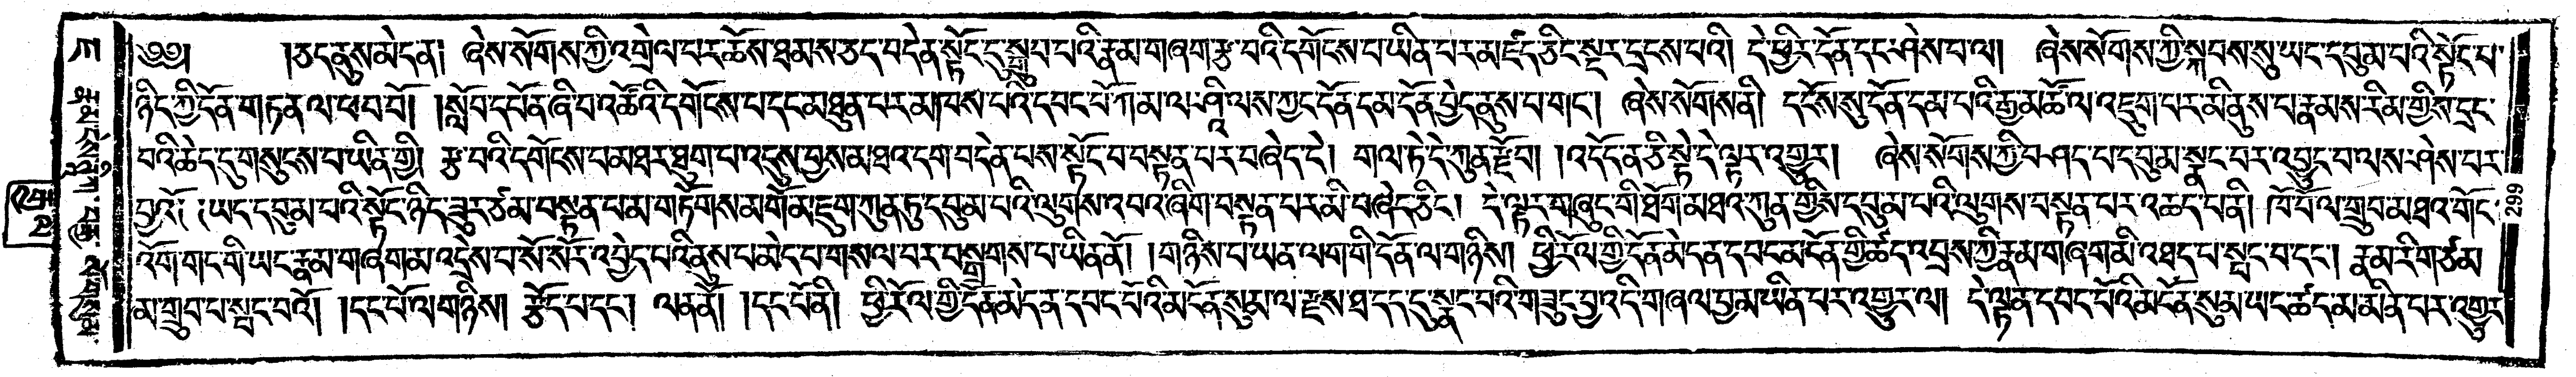༄༅། །ཅད་ནུས་མེད་ན། ཞེས་སོགས་ཀྱི་འགྲེལ་པར་ཆོས་ཐམས་ཅད་བདེན་སྟོང་དུ་སྒྲུབ་པའི་རྣམ་གཞག་རྩ་བའི་དགོངས་པ་ཡིན་པར་མཛད་ཅིང་སྔར་དྲངས་པའི། དེ་ཕྱིར་དོན་དང་ཤེས་པ་ལ། ཞེས་སོགས་ཀྱི་སྐབས་སུ་ཡང་དབུ་མ་པའི་སྟོང་པ་
ཉིད་ཀྱི་དོན་གཏན་ལ་ཕབ་བོ། །སློབ་དཔོན་ཞི་བ་འཚོའི་དགོངས་པ་དང་མཐུན་པར་མཁས་པའི་དབང་པོ་ཀ་མ་ལ་ཤཱི་ལས་ཀྱང་དོན་དམ་དོན་བྱེད་ནུས་པ་གང་། ཞེས་སོགས་ནི། དངོས་སུ་དོན་དམ་པའི་རྒྱ་མཚོ་ལ་འཇུག་པར་མི་ནུས་པ་རྣམས་རིམ་གྱིས་དྲང་
བའི་ཆེད་དུ་གསུངས་པ་ཡིན་གྱི། རྩ་བའི་དགོངས་པ་མཐར་ཐུག་པ་འདུས་བྱས་མཐའ་དག་བདེན་པས་སྟོང་པ་བསྟན་པར་བཞེད་དེ། གལ་ཏེ་དེ་ཀུན་རྫོབ། །འདོད་ན་ཅི་སྟེ་དེ་ལྟར་འགྱུར། ཞེས་སོགས་ཀྱི་བཤད་པ་དབུ་མ་སྣང་བར་འབྱུང་བ་ལས་ཤེས་པར་
བྱའོ། །ཡང་དབུ་མ་པའི་སྟོང་ཉིད་ཟུར་ཙམ་བསྟན་པ་མ་གཏོགས་མགོ་མཇུག་ཀུན་ཏུ་དབུ་མ་པའི་ལུགས་འབའ་ཞིག་བསྟན་པར་མི་བཞེད་ཅིང་། དེ་ལྟར་གཞུང་གི་ཐོག་མཐའ་ཀུན་གྱིས་དབུ་མ་པའི་ལུགས་བསྟན་པར་འཆད་པ་ནི། ཁོ་བོ་ལ་གྲུབ་མཐའ་གོང་
འོག་གང་གི་ཡང་རྣམ་གཞག་མ་འདྲེས་པ་སོ་སོར་འབྱེད་པའི་ནུས་པ་མེད་པ་གསལ་བར་བསྒྲགས་པ་ཡིན་ནོ། །གཉིས་པ་ཡན་ལག་གི་དོན་ལ་གཉིས། ཕྱི་རོལ་གྱི་དོན་མེད་ན་དབང་མངོན་གྱི་ཚད་འབྲས་ཀྱི་རྣམ་གཞག་མི་འཐད་པ་སྤང་བ་དང་། རྣམ་རིག་ཙམ་
མ་གྲུབ་པ་སྤང་བའོ། །དང་པོ་ལ་གཉིས། རྩོད་པ་དང་། ལན་ནོ། །དང་པོ་ནི། ཕྱི་རོལ་གྱི་དོན་མེད་ན་དབང་པོའི་མངོན་སུམ་ལ་རྫས་ཐ་དད་དུ་སྣང་བའི་གཟུང་བྱ་འདི་གཞལ་བྱ་མ་ཡིན་པར་འགྱུར་ལ། དེ་ལྟ་ན་དབང་པོའི་མངོན་སུམ་ཡང་ཚད་མ་མིན་པར་འགྱུར་